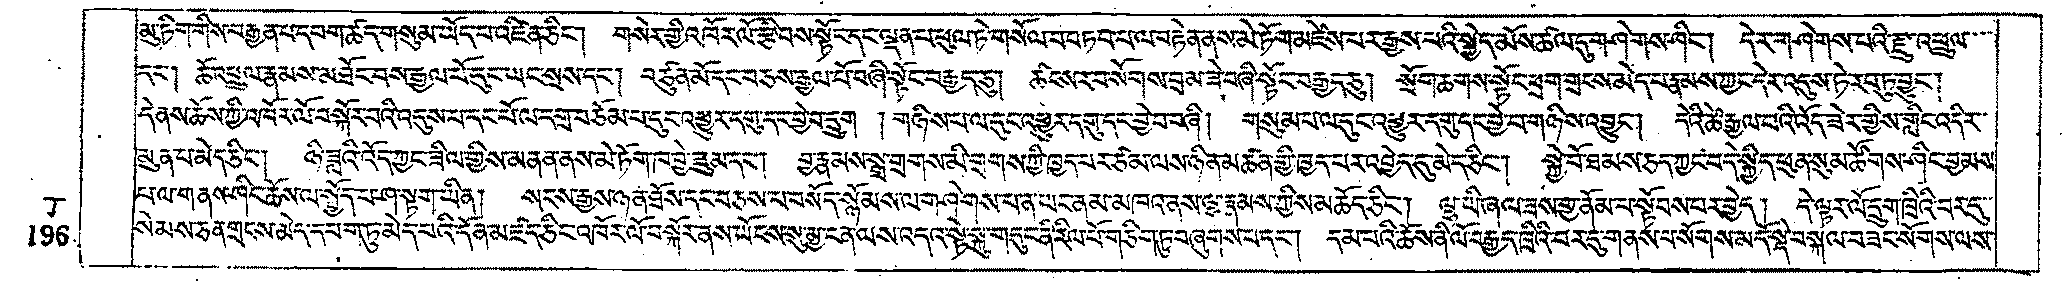མུ་ཏིག་གིས་བརྒྱན་པ་དཔག་ཚད་གསུམ་ཡོད་པ་འཛིན་ཅིང་། གསེར་གྱི་འཁོར་ལོ་རྩིབས་སྟོང་དང་ལྡན་པ་ཕུལ་ཏེ་གསོལ་བ་བཏབ་པ་ལ་བརྟེན་ནས་མེ་ཏོག་མཛེས་པར་རྒྱས་པའི་སྐྱེད་མོས་ཚལ་དུ་གཤེགས་ཤིང་། དེར་གཤེགས་པའི་རྫུ་འཕྲུལ་་་
དང་། ཆོ་འཕྲུལ་རྣམས་མཐོང་བས་རྒྱལ་པོ་དུང་ཡང་སྲས་དང་། བཙུན་མོ་དང་བཅས་རྒྱལ་པོ་བཞི་སྟོང་བརྒྱད་ཅུ། ཚངས་རབ་སོགས་བྲམ་ཟེ་བཞི་སྟོང་བརྒྱད་ཅུ། སྲོག་ཆགས་སྟོང་ཕྲག་གྲངས་མེད་པ་རྣམས་ཀྱང་དེར་འདུས་ཏེ་རབ་ཏུ་བྱུང་།
དེ་ནས་ཆོས་ཀྱི་འཁོར་ལོ་བསྐོར་བའི་འདུས་པ་དང་པོ་ལ་དགྲ་བཅོམ་པ་དུང་འཕྱུར་དགུ་དང་བྱེ་བ་དྲུག །གཉིས་པ་ལ་དུང་འཕྱུར་དགུ་དང་བྱེ་བ་བཞི། གསུམ་པ་ལ་དུང་འཕྱུར་དགུ་དང་བྱེ་བ་གཉིས་འབྱུང་། དེའི་ཚེ་རྒྱལ་བའི་འོད་ཟེར་གྱིས་གླིང་འདིར་་་
མུན་པ་མེད་ཅིང་། ཉི་ཟླའི་འོད་ཀྱང་ཟིལ་གྱིས་མནན་ནས་མེ་ཏོག་ཁ་བྱེ་ཟུམ་དང་། བྱ་རྣམས་སྒྲ་གྲགས་མི་གྲགས་ཀྱི་ཁྱད་པར་ཙམ་ལས་ཉིན་མཚན་གྱི་ཁྱད་པར་འབྱེད་དུ་མེད་ཅིང་། སྐྱེ་བོ་ཐམས་ཅད་ཀྱང་བདེ་སྐྱིད་ཕུན་སུམ་ཚོགས་ཤིང་བྱམས་
པ་ལ་གནས་ཤིང་ཆོས་ལ་སྤྱོད་པ་ཤ་སྟག་ཡིན། སངས་རྒྱས་ཉན་ཐོས་དང་བཅས་པ་བསོད་སྙོམས་ལ་གཤེགས་པ་ན་ཡང་ནམ་མཁའ་ནས་ལྷ་རྣམས་ཀྱིས་མཆོད་ཅིང་། ལྷ་ཡི་ཞལ་ཟས་གྱ་ནོམ་པ་སྟོབས་པར་བྱེད། དེ་ལྟར་ལོ་དྲུག་ཁྲིའི་བར་དུ་་་
སེམས་ཅན་གྲངས་མེད་དཔག་ཏུ་མེད་པའི་དོན་མཛད་ཅིང་འཁོར་ལོ་བསྐོར་ནས་ཡོངས་སུ་མྱ་ངན་ལས་འདའ་སྟེ་སྐུ་གདུང་ནི་རིལ་པོ་གཅིག་ཏུ་བཞུགས་པ་དང་། དམ་པའི་ཆོས་ནི་ལོ་བརྒྱད་ཁྲིའི་བར་དུ་གནས་པ་སོགས་མདོ་སྡེ་བསྐལ་བཟང་སོགས་ལས་